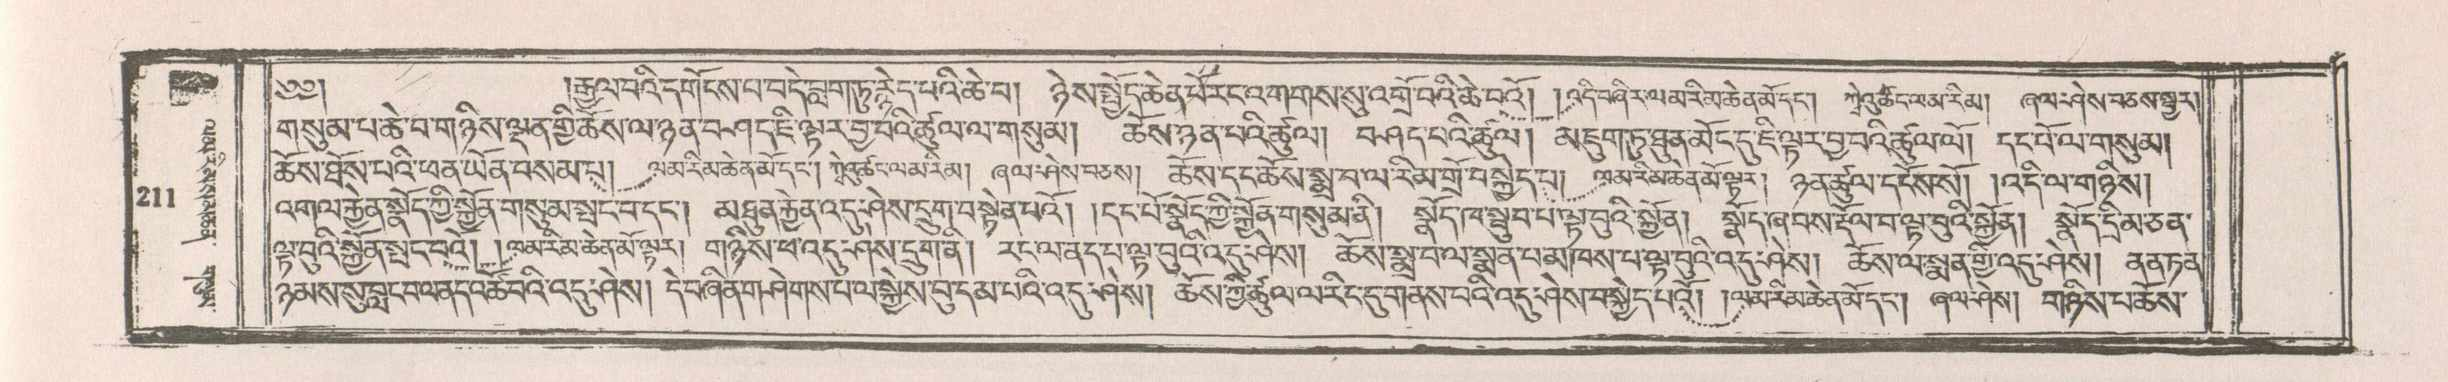༄༅། །རྒྱལ་བའི་དགོངས་པ་བདེ་བླག་ཏུ་རྙེད་པའི་ཆེ་བ། ཉེས་སྤྱོད་ཆེན་པོ་རང་འགགས་སུ་འགྲོ་བའི་ཆེ་བའོ། ། འདི་བཞིར་ལམ་རིམ་ཆེན་མོ་དང་། ཀྭེའུ་ཚང་ལམ་རིམ། ཞལ་ཤེས་བཅས་སྦྱར།
གསུམ་པ་ཆེ་བ་གཉིས་ལྡན་གྱི་ཆོས་ལ་ཉན་བཤད་ཇི་ལྟར་བྱ་བའི་ཚུལ་ལ་གསུམ། ཆོས་ཉན་པའི་ཚུལ། བཤད་པའི་ཚུལ། མཇུག་ཏུ་ཐུན་མོང་དུ་ཇི་ལྟར་བྱ་བའི་ཚུལ་ལོ། དང་པོ་ལ་གསུམ།
ཆོས་ཐོས་པའི་ཕན་ཡོན་བསམ་པ། ལམ་རིམ་ཆེན་མོ་དང་། ཀྭེའུ་ཚང་ལམ་རིམ། ཞལ་ཤེས་བཅས།  ཆོས་དང་ཆོས་སྨྲ་བ་ལ་རིམ་གྲོ་བསྐྱེད་པ། ལམ་རིམ་ཆེན་མོ་ལྟར།  ཉན་ཚུལ་དངོས་སོ། །འདི་ལ་གཉིས།
འགལ་རྐྱེན་སྣོད་ཀྱི་སྐྱོན་གསུམ་སྤང་བ་དང་། མཐུན་རྐྱེན་འདུ་ཤེས་དྲུག་བསྟོན་པའོ། །དང་པོ་སྣོད་ཀྱི་སྐྱོན་གསུམ་ནི། སྣོད་ཁ་སྦུབ་པ་ལྟ་བུའི་སྐྱོན། སྣོད་ཞབས་རྡོལ་བ་ལྟ་བུའི་སྐྱོན། སྣོད་དྲི་མ་ཅན་
ལྟ་བུའི་སྐྱོན་སྤང་བའོ། །ལམ་རིམ་ཆེན་པོ་ལྟར།  གཉིས་པ་འདུ་ཤེས་དྲུག་ནི། རང་ལ་ནད་པ་ལྟ་བུའི་འདུ་ཤེས། ཆོས་སྨྲ་བ་ལ་སྨན་པ་མཁས་པ་ལྟ་བུའི་འདུ་ཤེས། ཆོས་ལ་སྨན་གྱི་འདུ་ཤེས། ནན་ཏན་
ཉམས་སུ་བླང་བ་ལ་ནད་འཚོ་བའི་འདུ་ཤེས། དེ་བཞིན་གཤེགས་པ་ལ་སྐྱེས་བུ་དམ་པའི་འདུ་ཤེས། ཆོས་ཀྱི་ཚུལ་ལ་རིང་དུ་གནས་པའི་འདུ་ཤེས་བསྐྱེད་པའོ། །ལམ་རིམ་ཆེན་མོ་དང་། ཞལ་ཤེས།  གཉིས་པ་ཆོས་